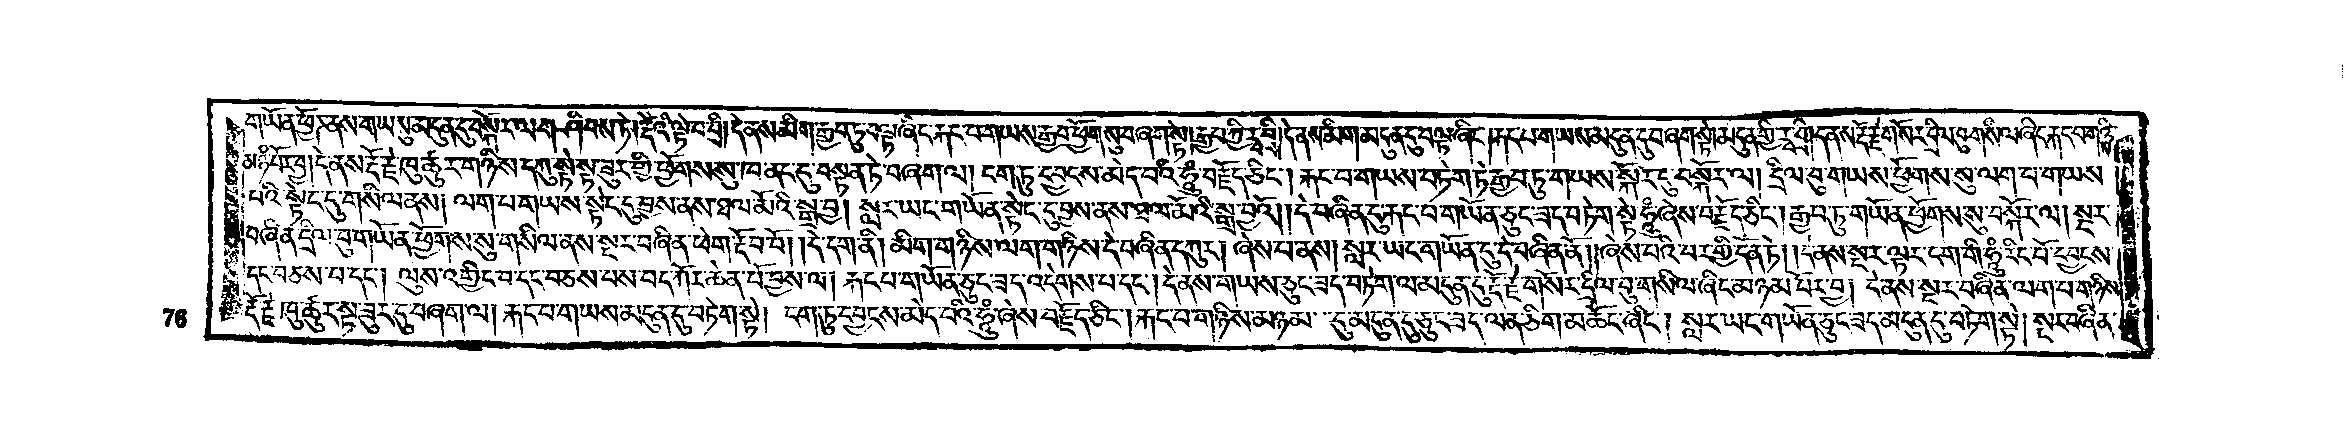གཡོན་ཕྱོགས་ནས་གཡས་སུ་མདུན་དུ་བསྐོར་ལ་གཤིབས་ཏེ། རྡོའི་ལྟེ་བ་བྲི། དེ་ནས་མིག་རྒྱབ་ཏུ་བལྟ་ཞིང་རྐང་པ་གཡས་རྒྱབ་ཕྱོགས་སུ་བཞག་སྟེ། རྒྱབ་ཀྱི་རྭ་བྲི། དེ་ནས་མིག་མདུན་དུ་བལྟ་ཞིང་། རྐང་པ་གཡས་མདུན་དུ་བཞག་སྟེ། མདུན་གྱི་རྭ་བྲི། དེ་ནས་རྡོ་རྗེ་གསོར་དྲིལ་བུ་གསིལ་ཞིང་རྐང་པ་གཉིས་
མཉམ་པོར་བྱ། དེ་ནས་རྡོ་རྗེ་ཁུ་ཚུར་གཉིས་དགུ་སྟེ་སྟ་ཟུར་གྱི་ཕྱོགས་སུ་ཁ་ནང་དུ་བསྟན་ཏེ་བཞག་ལ། ངག་ཏུ་དབྱངས་མེད་པའི་ཧཱུཾ་བརྗོད་ཅིང་། རྐང་པ་གཡས་བཏེག་ཏེ་རྒྱབ་ཏུ་གཡས་སྐོར་དུ་བསྐོར་ལ། དྲིལ་བུ་གཡས་ཕྱོགས་སུ་ལག་པ་གཡས་
པའི་སྟེང་དུ་གསིལ་ནས། ལག་པ་གཡས་སྟེང་དུ་བྱས་ནས་ཐལ་མོའི་སྒྲ་བྱ། སླར་ཡང་གཡོན་སྟེང་དུ་བྱས་ནས་ཐལ་མོའི་སྒྲ་བྱའོ། །དེ་བཞིན་དུ་རྐང་པ་གཡོན་ཅུང་ཟད་བཏེག་སྟེ་ཧཱུཾ་ཞེས་བརྗོད་ཅིང་། རྒྱབ་ཏུ་གཡོན་ཕྱོགས་སུ་བསྐོར་ལ། སྔར་
བཞིན་དྲིལ་བུ་གཡོན་ཕྱོགས་སུ་གསིལ་ནས་སྔར་བཞིན་ཕེག་རྡོབ་བོ། །དེ་དག་ནི། མིག་གཉིས་ལག་གཉིས་དེ་བཞིན་དཀུར། ཞེས་པ་ནས། སླར་ཡང་གཡོན་དུ་དེ་བཞིན་ནོ། །ཞེས་པའི་བར་གྱི་དོན་ཏེ། །དེ་ནས་སྔར་ལྟར་ངག་གི་ཧཱུཾ་རིང་པོ་དབྱངས་
དང་བཅས་པ་དང་། ལུས་འགྱིང་པ་དང་བཅས་པས་པད་ཀོར་ཆེན་པོ་བྱས་ལ། རྐང་པ་གཡོན་ཅུང་ཟད་འདེགས་པ་དང་། དེ་ནས་གཡས་ཅུང་ཟད་བཏེག་ལ་མདུན་དུ་རྡོ་རྗེ་གསོར་དྲིལ་བུ་གསིལ་ཞིང་མཉམ་པོར་བྱ། དེ་ནས་སྔར་བཞིན་ལག་པ་གཉིས་
རྡོ་རྗེ་ཁུ་ཚུར་སྟ་ཟུར་དུ་བཞག་ལ། རྐང་པ་གཡས་མདུན་དུ་བཏེག་སྟེ། ངག་ཏུ་དབྱངས་མེད་པའི་ཧཱུཾ་ཞེས་བརྗོད་ཅིང་། རྐང་པ་གཉིས་མཉམ་དུ་མདུན་དུ་ཅུང་ཟད་ལན་ཅིག་མཆོང་ཞིང་། སླར་ཡང་གཡོན་ཅུང་ཟད་མདུན་དུ་བཏེག་སྟེ། སྔར་བཞིན་